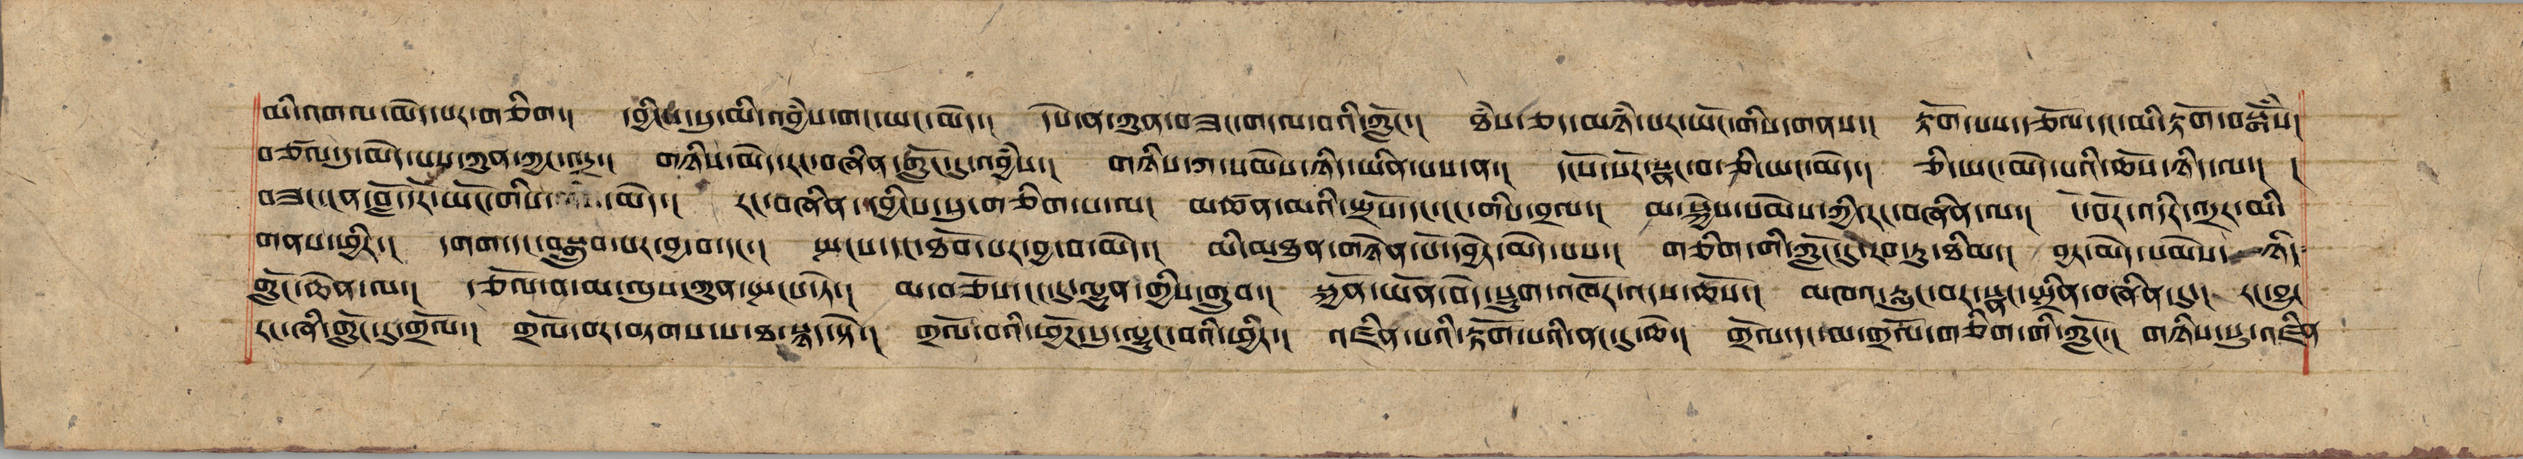མི་འགལ་མེད་པར་གཅིག་། དབྱིངས་སུ་མི་འབྱཾས་གང་ཡང་མེད་། དེས་ན་ཀུན་བཟང་གདལ་བའི་ཀློང་། ཐཾས་ཅད་མཉཾ་པར་ཡོང་གིས་གནས་། རྟོག་པས་དཅོལ་དང་མི་རྡོག་བསྒོཾས།
བཙལ་དུ་མེད་པས་ཀུན་ཀྱང་འདྲ་། གཉིས་མེད་རང་བཞིན་གློང་དུ་འབྱཾས་། གཉིས་ཀ་སེམས་ཉིད་ཡིན་པས་ན་། དངོས་པོར་སྣང་བ་ཅི་ཡང་མེད་། ཅི་ཡང་མེད་པའི་ཆོས་ཉིད་ལ་།
བཟང་ངན་བློ་དོར་ཡོང་གིས་མེད་། རང་བཞིན་དབྱིངས་སུ་གཅིག་པ་ལ། མཚན་མའི་སྤྲོས་དང་ངང་གིས་བྲལ་། མ་སྐྱེས་སེམས་ཀྱི་རང་བཞིན་ལ་། ངོ་བོར་འདིར་འདྲར་མི་
གནས་ཕྱིར་། དགག་དང་བསྒྲུབ་པར་བྱ་བ་དང་། སྤངས་དང་ཐོབ་པར་བྱ་བ་མེད་། མི་མཐུན་གཉེན་པོ་དབྱེར་མེད་པས་། གཅིག་གི་ཀློང་དུ་རབ་ཏུ་ཐིམ་། བྱར་མེད་སེམས་ ཉིད་
གློང་ཆེན་ལ་། རྩོལ་བ་མ་ལུས་ཀུན་སྤངས་ཏེ་། མ་བཅོས་ངང་དུ་ལྷུན་གྱིས་གྲུབ་། སྐྱོན་ཡོན་བདེ་སྡུག་འཁོར་འདས་ཆོས་། མཁའ་་རླུང་བར་སྣང་སྤྲིན་བཞིན་་དུ་། རང་བྱུང་
རང་ཞི་གློང་དུ་གྲོལ་། གྲོལ་བར་བཏགས་པ་ཐ་སྙད་སྟེ་། གྲོལ་བའི་ཕྱོཌ་སུ་ལྷུང་བའི་ཕྱིར་། འཛིན་པའི་རྟོག་པའི་ནང་དུ་ཆེ་། གྲོལ་དང་མ་གྲོལ་གཅིག་གི་ཀློང་། གཉིས་སུ་འཛིན